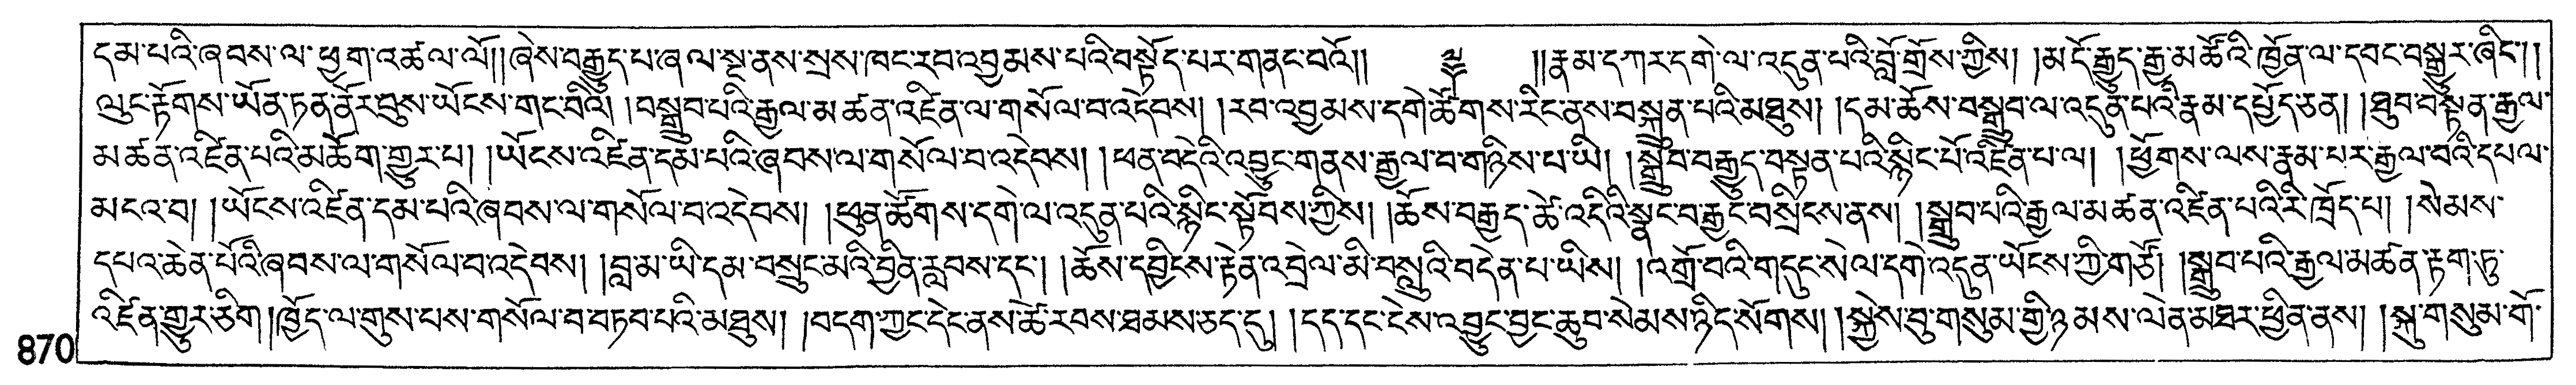དམ་པའི་ཞབས་ལ་ཕྱག་འཚལ་ལོ། །ཞེས་བརྒྱུད་པ་ཞལ་སྔ་ནས་སྲས་ཁང་རབ་འབྱམས་པའི་བསྟོད་པར་གནང་བའོ།། ༈ །།རྣམ་དཀར་དགེ་ལ་འདུན་པའི་བློ་གྲོས་ཀྱིས། །མདོ་རྒྱུད་རྒྱ་མཚོའི་ཁྱོན་ལ་དབང་བསྒྱུར་ཞིང་། །
ལུང་རྟོགས་ཡོན་ཏན་ནོར་བུས་ཡོངས་གང་བའི། །བསྒྲུབ་པའི་རྒྱལ་མཚན་འཛིན་ལ་གསོལ་བ་འདེབས། །རབ་འབྱམས་དགེ་ཚོགས་རིང་ནས་བསྐྲུན་པའི་མཐུས། །དམ་ཆོས་བསྒྲུབ་ལ་འདུན་པའི་རྣམ་དཔྱོད་ཅན། །ཐུབ་བསྟན་རྒྱལ་
མཚན་འཛིན་པའི་མཆོག་གྱུར་པ། །ཡོངས་འཛིན་དམ་པའི་ཞབས་ལ་གསོལ་བ་འདེབས། །ཕན་བདེའི་འབྱུང་གནས་རྒྱལ་བ་གཉིས་པ་ཡི། །སྒྲུབ་བརྒྱུད་བསྟན་པའི་སྙིང་པོ་འཛིན་པ་ལ། །ཕྱོགས་ལས་རྣམ་པར་རྒྱལ་བའི་དཔལ་
མངའ་བ། །ཡོངས་འཛིན་དམ་པའི་ཞབས་ལ་གསོལ་བ་འདེབས། །ཕུན་ཚོགས་དགེ་ལ་འདུན་པའི་སྙིང་སྟོབས་ཀྱིས། །ཆོས་བརྒྱད་ཚེ་འདིའི་སྣང་བ་རྒྱང་བསྲིངས་ནས། །སྒྲུབ་པའི་རྒྱལ་མཚན་འཛིན་པའི་རི་ཁྲོད་པ། །སེམས་
དཔའ་ཆེན་པོའི་ཞབས་ལ་གསོལ་བ་འདེབས། །བླ་མ་ཡི་དམ་བསྲུང་མའི་བྱིན་རླབས་དང་། །ཆོས་དབྱིངས་རྟེན་འབྲེལ་མི་བསླུའི་བདེན་པ་ཡིས། །འགྲོ་བའི་གདུང་སེལ་དགེ་འདུན་ཡོངས་ཀྱི་གཙོ། །སྒྲུབ་པའི་རྒྱལ་མཚན་རྟག་ཏུ་
འཛིན་གྱུར་ཅིག །ཁྱོད་ལ་གུས་པས་གསོལ་བ་བཏབ་པའི་མཐུས། །བདག་ཀྱང་དེང་ནས་ཚེ་རབས་ཐམས་ཅད་དུ། །དད་དང་ངེས་འབྱུང་བྱང་ཆུབ་སེམས་ཉིད་སོགས། །སྐྱེས་བུ་གསུམ་གྱི་ཉམས་ལེན་མཐར་ཕྱིན་ནས། །སྐུ་གསུམ་གོ་